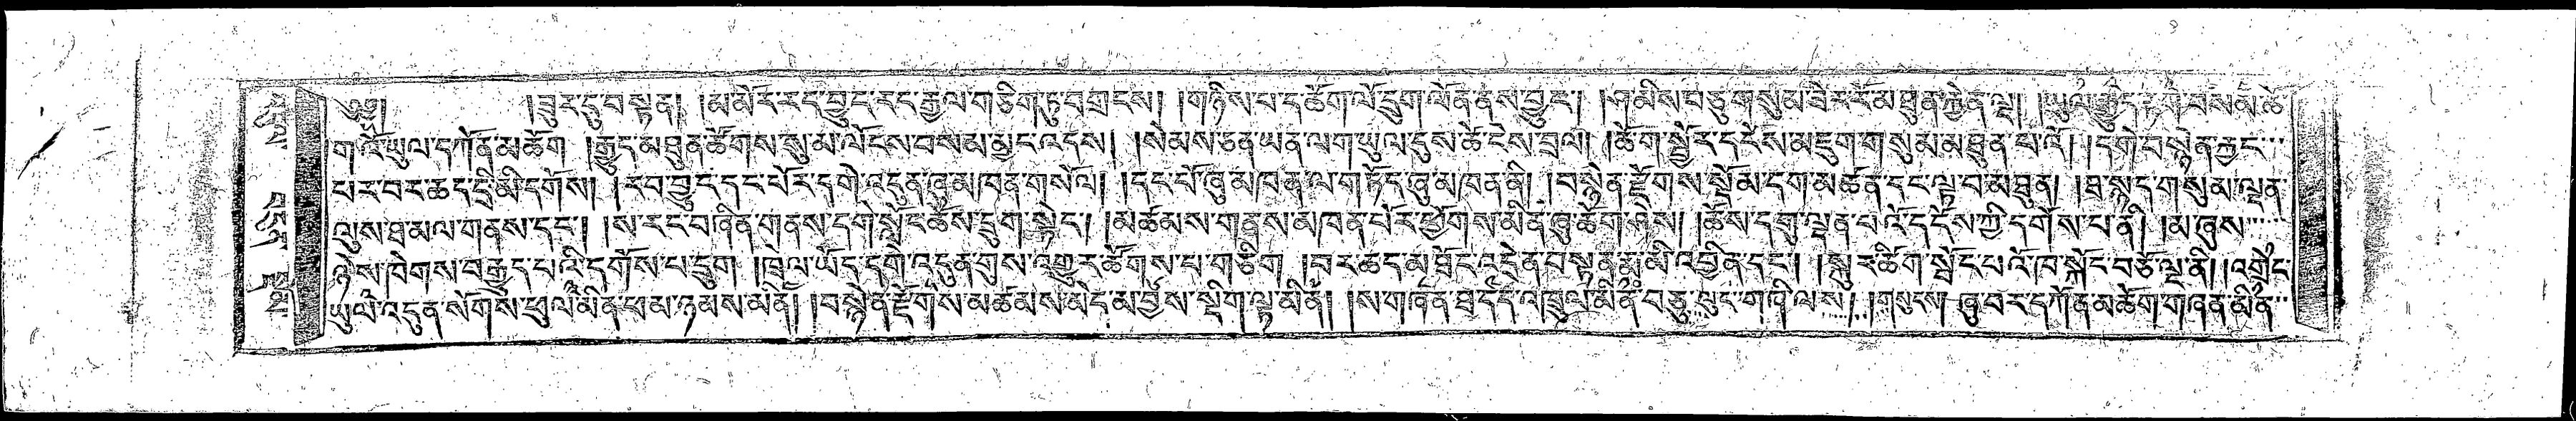༄༅། །ཟུར་དུ་བསྟན། །མ་མོར་རང་བྱུང་རང་རྒྱལ་གཅིག་ཏུ་བགྲངས། །གཉིས་པ་ད་ཆོག་ལོ་དྲུག་ལོན་ནས་བྱུང་། །ཤ་མིས་བཅུ་གསུམ་ཟེར་རོ་མཐུན་རྐྱེན་ལྔ། །ཡུལ་རྒྱུད་རྟག་བསམ་ཆོ་
གའོ་ཡུལ་དཀོན་མཆོག །རྒྱུད་མཐུན་ཚོགས་སུ་མ་ལོངས་བསམ་མྱང་འདས། །སེམས་ཅན་ཡན་ལག་ཡུལ་དུས་ཚེ་ངེས་བྲལ། །ཆོ་ག་སྦྱོར་དངོས་མཇུག་གསུམ་མཐུན་པའོ། །དགེ་བསྙེན་རྐྱང་
པར་བར་ཆད་དྲི་མི་དགོས། །རབ་བྱུང་དང་པོར་དགེ་འདུན་ཞུ་མཁན་གསོལ། །དང་པོ་ཞུ་མཁན་ལ་གཏོད་ཞུ་མཁན་ནི། །བསྙེན་རྫོགས་སྡོམ་དག་མཚན་དང་ལྟ་བ་མཐུན། །ཐ་སྙད་གསུམ་ལྡན་
ལུས་ཐ་མལ་གནས་དང་། །ས་རང་བཞིན་གནས་དགེ་སློང་ཆོས་དྲུག་སྟེང་། །མཚམས་གནས་མཁན་པོར་ཕྱོགས་མིན་ཞུ་ཆོག་ཤེས། །ཆོས་དགུ་ལྡན་པའོ་དངོས་ཀྱི་དགོས་པ་ནི། །མ་ཞུས་
ཉེས་ཁེགས་བརྒྱུད་པའི་དགོས་པ་དྲུག །ཁྲེལ་ཡོད་དགེ་འདུན་གུས་འགྱུར་ཚོགས་པ་གཅིག །བར་ཆད་མཐོང་འདྲེན་བསྟན་རྨ་མི་འབྱིན་དང་། །སྐུར་ཚིག་སྤོང་པའོ་ཁ་སྐོང་བཅོ་ལྔ་ནི། །འགྲེང་
ཡུལ་འདུན་སོགས་ཕུལ་མིན་ཕམ་ཉམས་མིན། །བསྙེན་རྫོགས་མཚམས་མེད་མ་བྱས་སྡིག་ལྟ་མིན། །ས་གཞན་ཐ་དད་འཁྲུལ་མིན་བཅུ་ལུང་གཞི་ལས། །གསུངས། ཞུ་བར་དཀོན་མཆོག་གཞན་མིན་